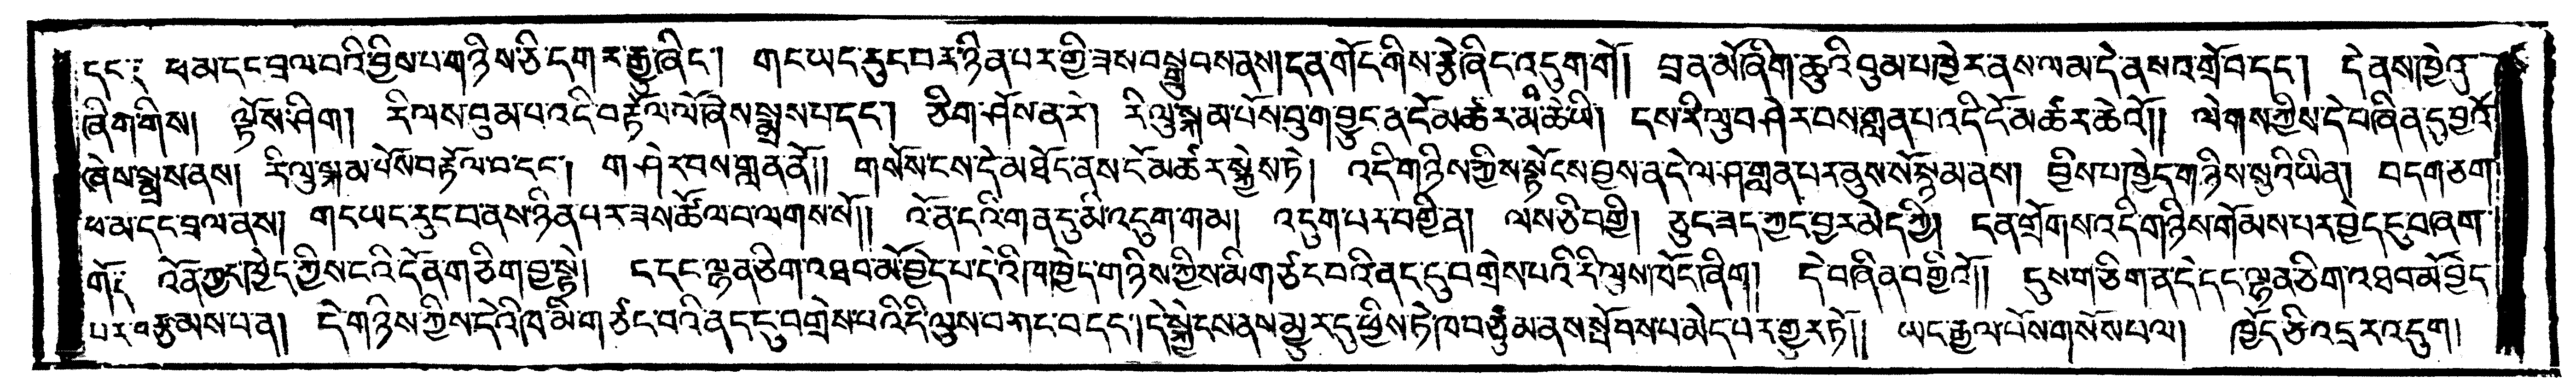དང༑ ཕ་མ་དང་བྲལ་བའི་བྱིས་པ་གཉིས་ཅི་དགར་རྒྱུ་ཞིང་། གང་ཡང་རུང་བར་ཉིན་པར་གྱི་ཟས་བསྒྲུབས་ནས། ངན་གོང་གིས་རྩེ་ཞིང་འདུག་གོ། བྲན་མོ་ཞིག་ཆུའི་བུམ་པ་ཁྱེར་ནས་ལམ་དེ་ནས་འགྲོ་བ་དང་། དེ་ནས་ཁྱེའུ་
ཞིག་གིས། ལྟོས་ཤིག། རི་ལས་བུམ་པ་འདི་བརྟོལ་ལོ་ཞེས་སྨྲས་པ་དང་། ཅིག་ཤོས་ན་རེ། རི་ལུ་སྐམ་པོས་བུ་ག་བྱུང་ན་ངོ་མཚར་མི་ཆེ་ཡི། ངས་རི་ལུ་བཤེར་བས་གླན་པ་འདི་ངོ་མཚར་ཆེའོ།། ལེགས་ཀྱིས་དེ་བཞིན་དུ་བྱའོ་
ཞེས་སྨྲས་ནས། རི་ལུ་སྐམ་པོས་བརྟོལ་བ་དང་། གཤེར་བས་གླན་ནོ།། གསོས་ངས་དེ་མཐོང་ནས་ངོ་མཚར་སྐྱེས་ཏེ། འདི་གཉིས་ཀྱིས་སྟོངས་བྱས་ནས་དེ་ལ་ཤ་གླན་པར་ནུས་སོ་སྙམ་ནས། བྱིས་པ་ཁྱེད་གཉིས་སུའི་ཡིན། བདག་ཅག་
ཕ་མ་དང་བྲལ་ནས། གང་ཡང་རུང་བ་ནས་ཉིན་པར་ཟས་ཚོལ་བ་ལགས་སོ།། འོ་ན་ངའི་གན་དུ་མི་འདུག་གམ། འདུག་པར་བགྱི་ན། ལས་ཅི་བགྱི། ཅུང་ཟད་ཀྱང་བྱར་མེད་ཀྱི། ངན་གྲོགས་འདི་གཉིས་གོམས་པར་བྱེད་དུ་བཞག་
གོ༑ འོན་ཀྱང་ཁྱེད་ཀྱིས་ངའི་དོན་གཅིག་བྱ་སྟེ། ང་དང་ལྷན་ཅིག་འཐབ་མོ་བྱེད་པ་དེའི་ཁ་ཁྱེད་གཉིས་ཀྱིས་མི་གཙང་བའི་ནང་དུ་བགྲེས་པའི་རི་ལུས་ཁོང་ཞིག། དེ་བཞིན་བགྱིའོ།། དུས་གཅིག་ན་དེ་དང་ལྷན་ཅིག་འཐབ་མོ་བྱེད་
པར་བརྩམས་པ་ན། དེ་གཉིས་ཀྱིས་དེའི་ཁ་མི་གཙང་བའི་ནང་དུ་བགྲེས་པའི་དི་ལུས་བཀང་བ་དང་། དེ་སྐྱེངས་ནས་མྱུར་དུ་ཕྱིས་ཏེ་ཁ་བཙུམ་ནས་སྤོབས་པ་མེད་པར་གྱུར་ཏོ།། ཡང་རྒྱལ་པོས་གསོས་པ་ལ། ཁྱོད་ཅི་འདྲར་འདུག།